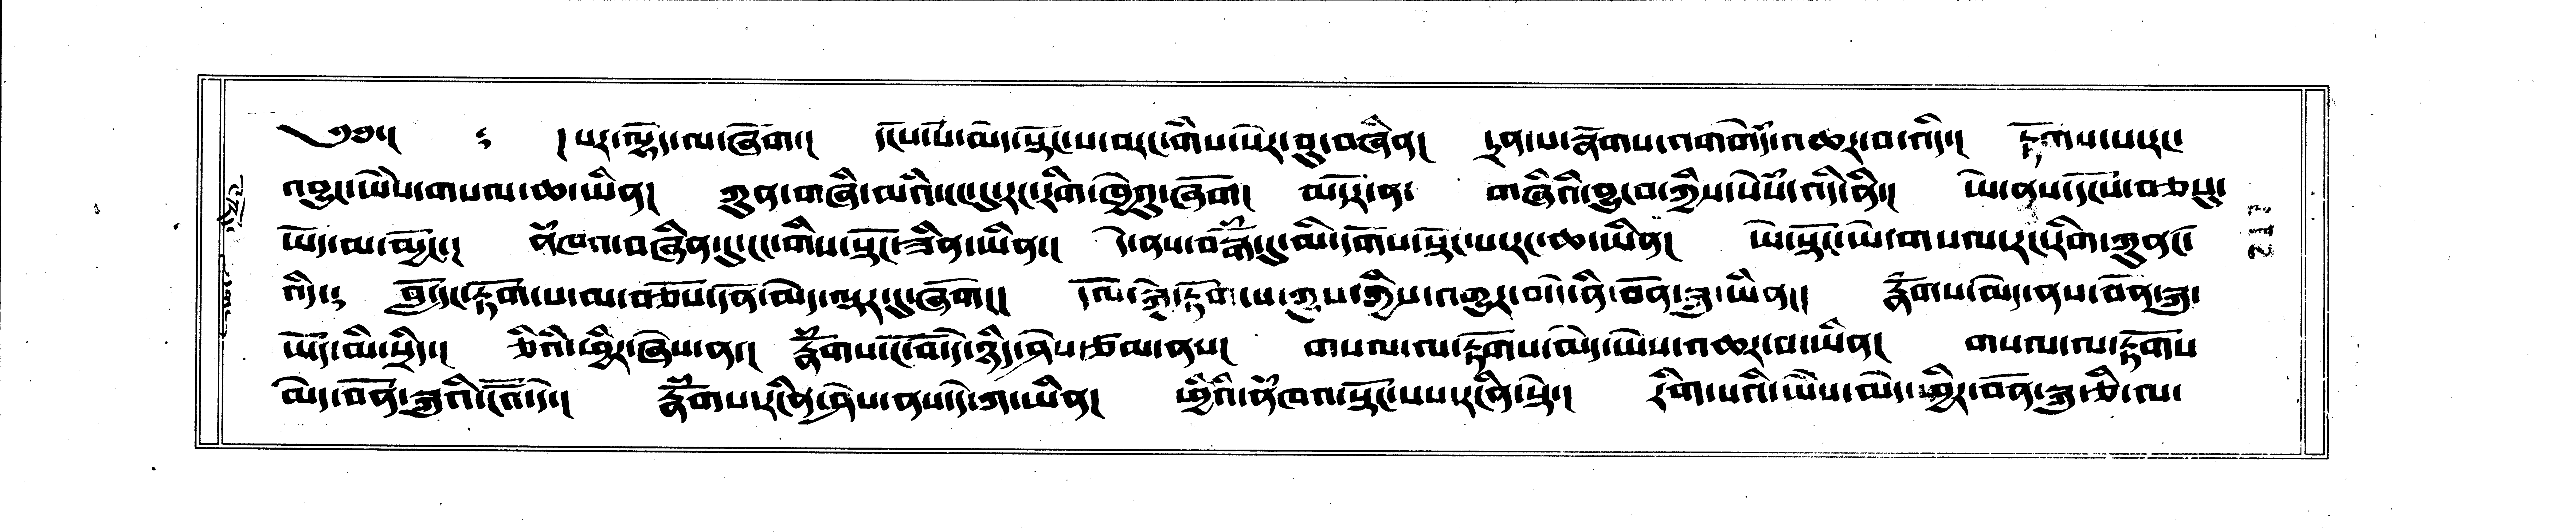སར་ལྷོད་ལ་ཞོག དངོས་པོ་མེད་སྟོང་པ་བར་སྣང་གིས་སེར་བུ་བཞིན། དྲན་པ་སྣ་ཚོགས་འགག་མེད་འཆར་བ་འདི། རྟོགས་པ་རང་
འབྱུང་ཡེ་ཤེས་གསལ་ཆ་ཡིན། ཀུན་གཞི་མའི་ངང་དུ་རང་རིག་ཁྱེའུ་ཞོག མདོར་ན་གཞིའི་བྱང་ཆུབ་ཀྱིས་སེམས་འདི་ནི། ཡེ་ནས་དངོས་བཅས་
ཡོད་མ་མྱོང་། ནམ་མཁའ་བཞིན་དུ་ངང་གིས་སྟོང་ཟིན་ཡིན། དེ་ནས་བསྒོམ་དུ་མི་དགོས་སྟོང་པ་རང་ཆ་ཡིན། ཡེ་སྟོང་ཡེ་གསལ་རང་རིག་ཀུན་
འདི། བློ་དང་རྟོག་པ་མ་བཅོས་དོན་མེད་ལྟར་དུ་ཞོག དོལ་༼ཐོལ༽སྐྱེས་རྟོག་པ་ཀྱུས་ཀྱིས་འགྱུར་བ་དེ་ནི་བོན་སྐུ་ཡིན། རྣམ་རྟོག་མེད་ནས་བོན་སྐུ་
ཡོད་མི་སྲིད། ཅིའི་ཕྱིར་ཞེ་ན། རྣམ་རྟོག་ངོའོ་དེ་ཉིད་ཤེས་ཙམ་ནས། གསལ་ལ་རྟོག་མེད་ཡེ་ཤེས་འཆར་བ་ཡིན། གསལ་ལ་རྟོག་
མེད་བོན་སྐུའི་ངོའོ་དེ། རྣམ་རྟོག་རང་བཞིན་ཤེས་ནས་དེ་ཀ་ཡིན། ཕྱིའི་ནམ་མཁའ་སྟོང་པའི་རང་བཞིན་སྟེ། རིག་པའི་ཡེ་ཤེས་མེད་ཕྱིར་བོན་སྐུ་ཅི་ལ་